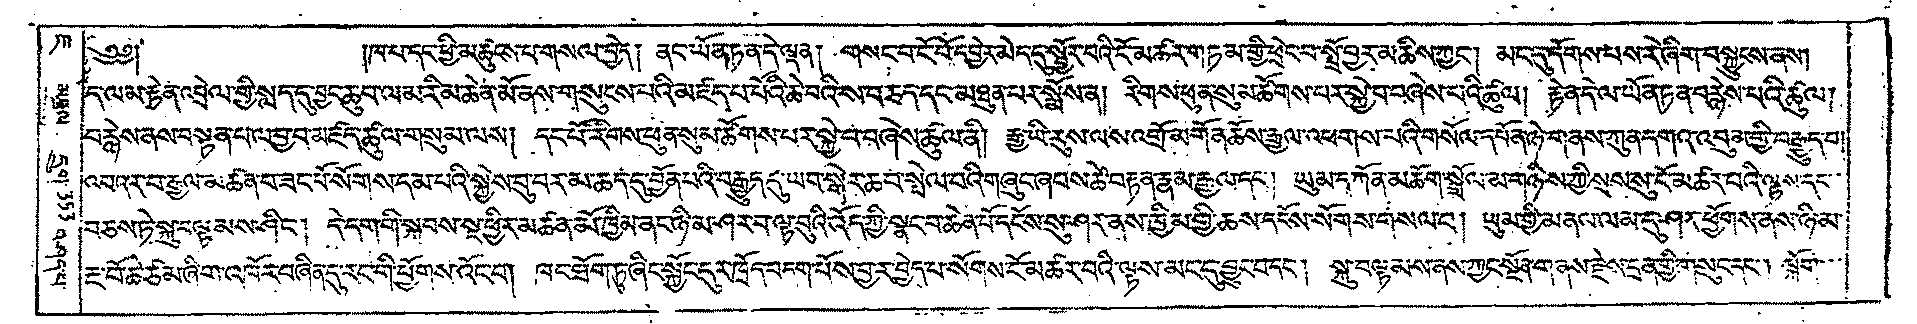༄༅། །ཁ་པ་དང་ཕྱི་མཚུངས་པ་གསལ་བྱེད། ནང་ཡོན་ཏན་དེ་ལྡན། གསང་བ་ངོ་བོ་དབྱེར་མེད་དུ་སྦྱོར་བའི་ངོ་མཚར་གཏམ་གྱི་ཕྲེང་བ་སྤྲོ་བྱར་མཆིས་ཀྱང་། མང་དུ་དོགས་པས་རེ་ཞིག་བསྐྱུངས་ནས།
ད་ལམ་རྟེན་འབྲེལ་གྱི་སླད་དུ་བྱང་ཆུབ་ལམ་རིམ་ཆེན་མོ་ནས་གསུངས་པའི་མཛད་པ་པོའི་ཆེ་བའི་ས་བཅད་དང་མཐུན་པར་སྨོས་ན། རིགས་ཕུན་སུམ་ཚོགས་པར་སྐྱེ་བ་བཞེས་པའི་ཚུལ། རྟེན་དེ་ལ་ཡོན་ཏན་བརྙེས་པའི་ཚུལ།
བརྙེས་ནས་བསྟན་པ་ལ་བྱ་བ་མཛད་ཚུལ་གསུམ་ལས། དང་པོ་རིགས་ཕུན་སུམ་ཚོགས་པར་སྐྱེ་བ་བཞེས་ཚུལ་ནི། རྒྱ་ཡི་རུས་ལས་འགྲོ་མགོན་ཆོས་རྒྱལ་འཕགས་པའི་གསོལ་དཔོན་ཉེ་གནས་ཀུན་དགའ་འབུམ་གྱི་བརྒྱུད་པ།
འབའ་ར་པ་རྒྱལ་མཚན་བཟང་པོ་སོགས་དམ་པའི་སྐྱེས་བུ་བར་མ་ཆད་དུ་བྱོན་པའི་བརྒྱུད་དུ་ཡབ་སྒེར་ཆབ་སྤེལ་བའི་གཞུང་ཞབས་ཚེ་བརྟན་རྣམ་རྒྱལ་དང་། ཡུམ་དཀོན་མཆོག་སྒྲོལ་མ་གཉིས་ཀྱི་སྲས་སུ་ངོ་མཚར་བའི་ལྟས་དང་
བཅས་ཏེ་སྐུ་བལྟམས་ཤིང་། དེ་དག་གི་སྐབས་སྔ་ཕྱིར་མཚན་མོ་ཁྱིམ་ནང་ཉི་མ་ཤར་བ་ལྟ་བུའི་འོད་ཀྱི་སྣང་བ་ཆེན་པོ་དངོས་སུ་ཤར་ནས་ཁྱིམ་གྱི་ཆས་དངོས་སོགས་གསལ་བ། ཡུམ་གྱི་མནལ་ལམ་དུ་ཤར་ཕྱོགས་ནས་ཉི་མ་
རྔ་བོ་ཆེ་ཙམ་ཞིག་འཁོར་བཞིན་དུ་རང་གི་ཕྱོགས་འོང་བ། ཁང་ཐོག་ཏུ་ཞིང་སྐྱོང་དུར་ཁྲོད་བདག་པོས་བྱ་ར་བྱེད་པ་སོགས་ངོ་མཚར་བའི་ལྟས་མང་དུ་བྱུང་བ་དང་། སྐུ་བལྟམས་ནས་ཀྱང་སྔོན་གནས་རྗེས་དྲན་གྱི་གསུང་དང་། ལྐོག་